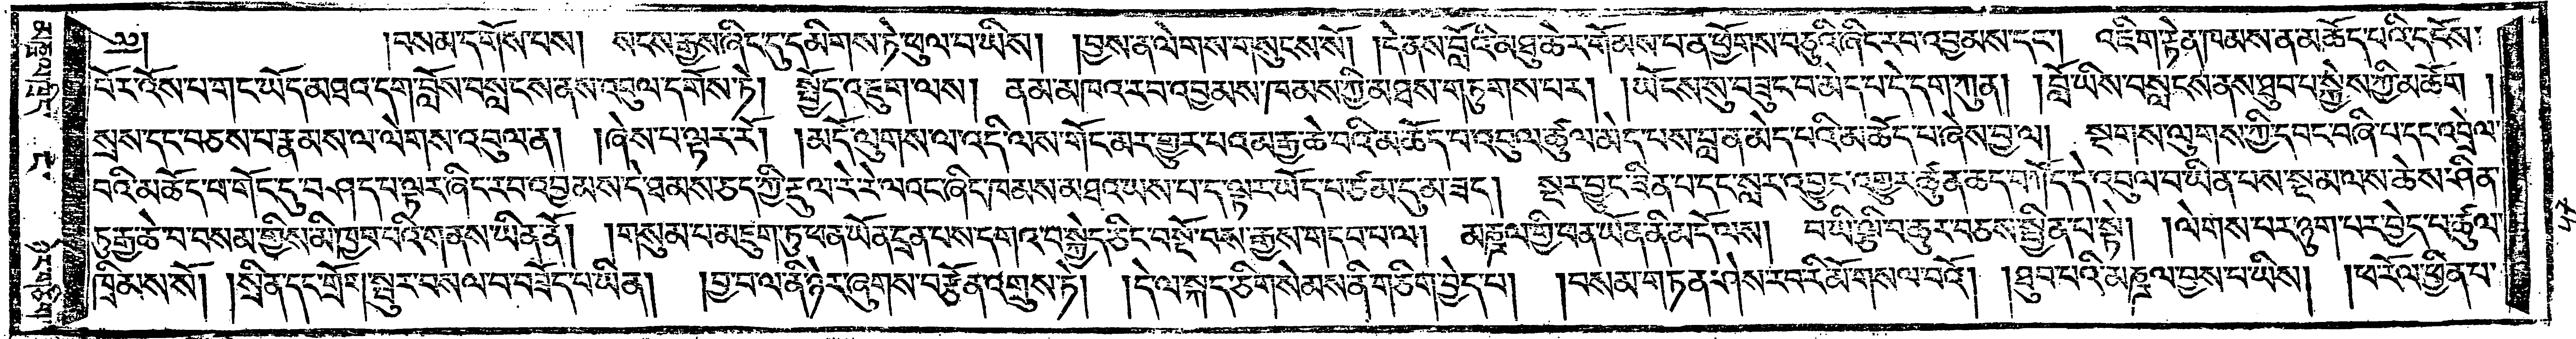༄༅། །བསམ་དགོས་པས། སངས་རྒྱས་ཞིང་དུ་དམིགས་ཏེ་ཕུལ་བ་ཡིས། །བྱས་ན་ལེགས་གསུངས་སོ། །དེ་ནས་བློའི་མཐུ་ཆེར་གོམས་པ་ན་ཕྱོགས་བཅུའི་ཞིང་རབ་འབྱམས་དང་། འཇིག་རྟེན་ཁམས་ན་མཆོད་པའི་དངོས་
བོར་འོས་པ་གང་ཡོད་མཐའ་དག་བློས་བསླངས་ནས་འབུལ་དགོས་ཏེ། སྤྱོད་འཇུག་ལས། ནམ་མཁའ་རབ་འབྱམས་ཁམས་ཀྱི་མཐས་གཏུགས་པར། །ཡོངས་སུ་བཟུང་བ་མེད་པ་དེ་དག་ཀུན། །བློ་ཡིས་བསླངས་ནས་ཐུབ་པ་སྐྱེས་ཀྱི་མཆོག་
སྲས་དང་བཅས་པ་རྣམས་ལ་ལེགས་འབུལ་ན། །ཞེས་པ་ལྟར་རོ། །མདོ་ལུགས་ལ་འདི་ལས་གོང་མར་གྱུར་བའམ་རྒྱ་ཆེ་བའི་མཆོད་པ་འབུལ་ཚུལ་མེད་པས་བླ་ན་མེད་པའི་མཆོད་པ་ཞེས་བྱ་ལ། སྔགས་ལུགས་ཀྱི་དབང་བཞི་པ་དང་འབྲེལ་
བའི་མཆོད་པ་གོང་དུ་བཤད་པ་ལྟར་ཞིང་རབ་འབྱམས་དེ་ཐམས་ཅད་ཀྱི་རྡུལ་རེ་རེ་ལའང་ཞིང་ཁམས་མཐའ་ཡས་པ་ད་ལྟར་ཡོད་པ་ཙམ་དུ་མ་ཟད། སྔར་བྱུང་ཟིན་པ་དང་སླར་འབྱུང་འགྱུར་ཚུན་ཆད་བཀོད་དེ་འབུལ་བ་ཡིན་པས་སྔ་མ་ལས་ཆེས་ཤིན་
ཏུ་རྒྱ་ཆེ་བ་བསམ་གྱིས་མི་ཁྱབ་པའི་གནས་ཡིན་ནོ། །གསུམ་པ་མཇུག་ཏུ་ཕན་ཡོན་དྲན་པས་དགའ་བསྐྱེད་ཅིང་བསྔོ་བས་རྒྱས་གདབ་པ་ལ། མཎྜལ་གྱི་ཕན་ཡོན་ནི་མདོ་ལས། བ་ཡི་ལྕི་བ་ཆུར་བཅས་སྦྱིན་པ་སྟེ། །ལེགས་པར་ཉུག་བར་བྱེད་པ་ཚུལ་
ཁྲིམས་སོ། །སྲིན་དང་གྲོག་སྤུར་བསལ་བ་བཟོད་པ་ཡིན། །བྱ་བ་ལ་ནི་ཉེར་ཞུགས་བརྩོན་འགྲུས་ཏེ། །དེ་ལ་སྐད་ཅིག་སེམས་ནི་གཅིག་བྱེད་པ། །བསམ་གཏན་ཤེས་རབ་རི་མོ་གསལ་བའོ། །ཐུབ་པའི་མཎྜལ་བྱས་པ་ཡིས། །ཕ་རོལ་ཕྱིན་བ་